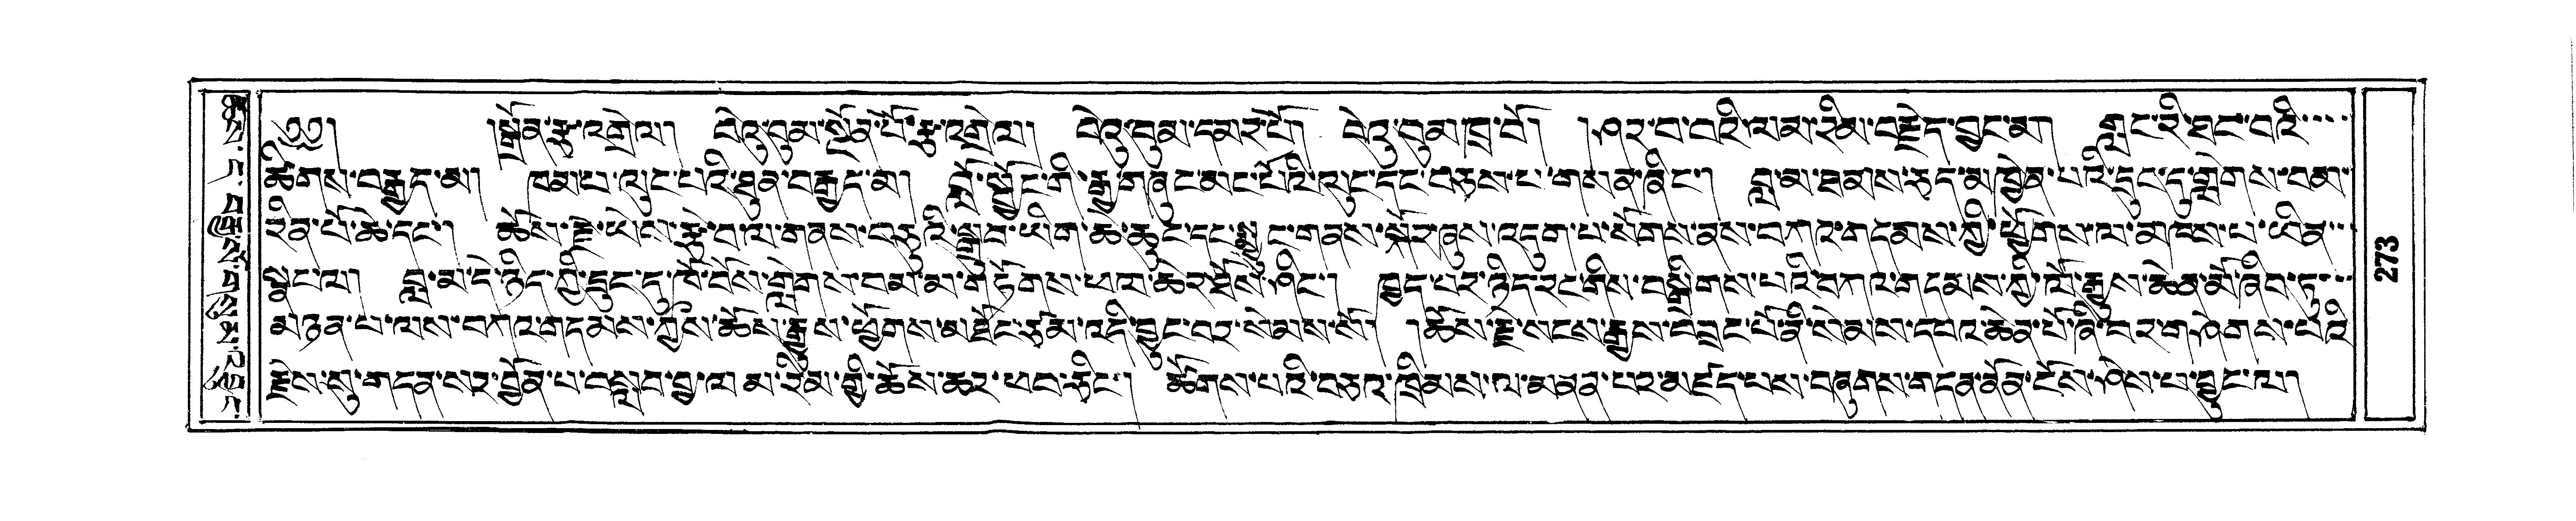༄༅། །སྒྲོན་རྩ་འགྲེལ། བེའུ་བུམ་སྔོན་པོ་རྩ་འགྲེལ། བེའུ་བུམ་དམར་པོ། བེའུ་བུམ་ཁྲོ་བོ། ཤར་བའི་ལམ་རིམ་བརྗོད་བྱང་མ། གླང་རི་ཐང་བའི་
ཚིགས་བརྒྱད་མ། ཁམ་པ་ལུང་པའི་ཐུན་བརྒྱད་མ། བློ་སྤྱོང་གི་རྒྱ་གཞུང་མང་པོའི་ལུང་དང་བཅས་པ་གསན་ཞིང་། བླ་མ་ཐམས་ཅད་མཁྱེན་པའི་དྲུང་དུ་གླེགས་བམ་
རིན་པོ་ཆེ་དང་། ཆོས་རྗེ་ཡེས་རྩེ་བ་ལ་གནས་བཅུའི་སྒྲུབ་ཡིག་ཆེ་ཆུང་དང་སྨྱུང་གནས་སྐོར་ཞུས་འདུག་པ་སོགས་ནས་བཀའ་གདམས་ཀྱི་ཕྱོགས་ལ་མཁས་པ་ཡིན་
སྣང་ལ། བླ་མ་དེ་ཉིད་ཀྱི་དྲུང་དུ་ཁོ་བོས་གླེགས་བམ་མ་གཏོགས་ཕལ་ཆེར་ཐོས་ཤིང་། ཁྱད་པར་ཉིད་རང་གིས་བསྒྲིགས་པའི་བཀའ་གདམས་ཀྱི་ལོ་རྒྱུས་ཆེན་མོ་ཞིབ་ཏུ་
མཉན་པ་ལས་བཀའ་གདམས་ཀྱིས་ཆོས་རྒྱུས་ཕྱོགས་མཐོང་ཙམ་འདི་བྱུང་བར་སེམས་སོ། །ཆོས་རྗེ་སངས་རྒྱས་བཟང་པོ་ནི་སེམས་དཔའ་ཆེན་པོ་ཞི་བར་གཤེགས་པའི་
རྗེས་སུ་གདན་སར་བྱོན་པ་བསླབ་བྱ་ལ་མ་རིམ་གྱི་ཆོས་ཆར་ཕབ་ཅིང་། ཚོགས་པའི་བཅའ་ཁྲིམས་ལ་མནན་པར་མཛད་པས་བཞུགས་གདན་ནོན་ངོས་ཤེས་པ་བྱུང་ལ།